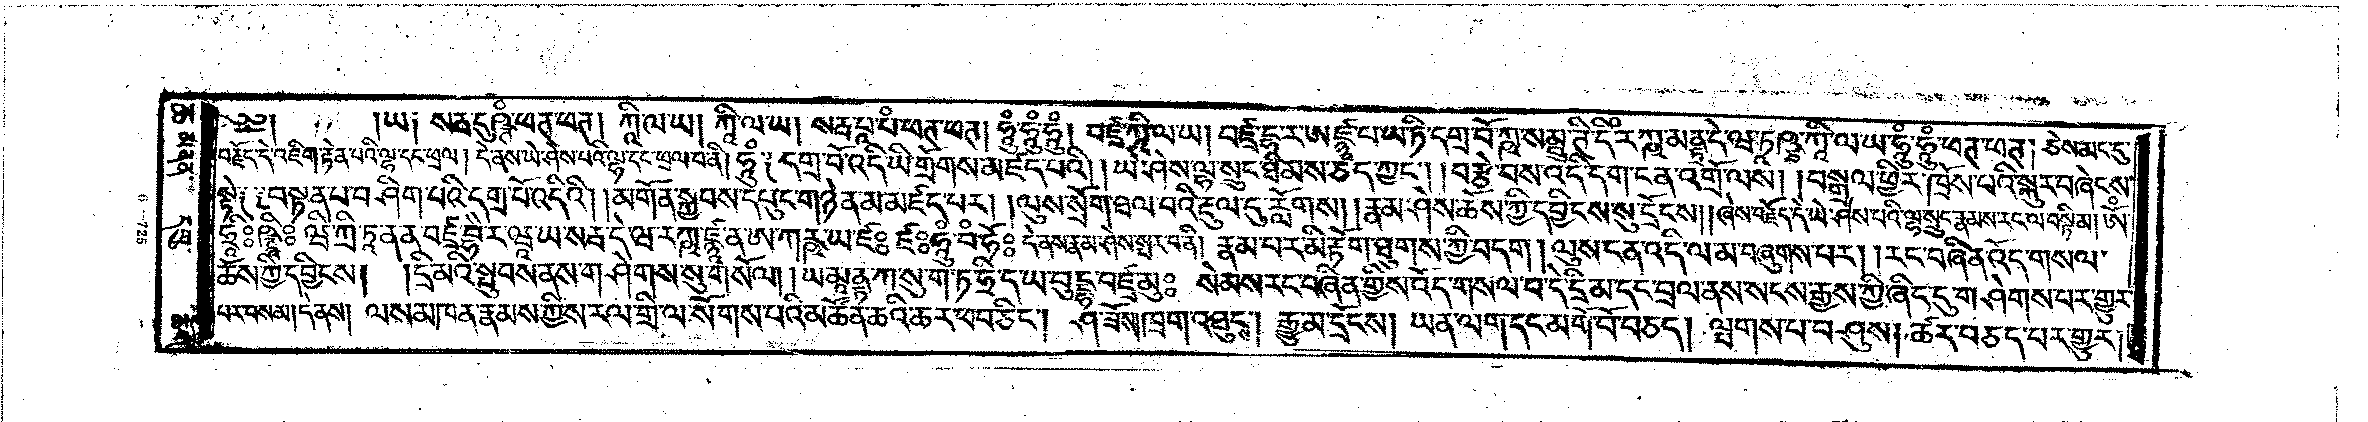༄༅།།ཡ༑ སརྦ་དུཥྚཾ་ཕཌ་ཕཌ། ཀཱི་ལ་ཡ། ཀཱི་ལ་ཡ། སརྦ་པཱ་པཾ་ཕཌ་ཕཌ། ཧཱུཾ་ཧཱུཾ་ཧཱུཾ། བཛྲ་ཀཱི་ལ་ཡ། བཛྲ་དྷཱ་ར་ཡ་ཛྙཱ་པ་ཡ་ཏི་དགྲ་བོ་ཀྵ་སམྦུ་ཊི་དེཾ་རཀྵ་མནྟ་དེ་ཝ་ཏཱ་ཥྩ་ཀཱི་ལ་ཡ་ཧཱུཾ་ཧཱུཾ་ཕཌ་ཕཌ། ཅེས་མང་དུ་
བརྗོད་དེ་འཇིག་རྟེན་པའི་ལྷ་དང་ཕྲལ། དེ་ནས་ཡེ་ཤེས་ལྷ་དང་ཕྲལ་བ་ནི། ཧཱུཾ༑ དགྲ་བོ་འདི་ཡི་གྲོགས་མཛད་པའི། །ཡེ་ཤེས་ལྷ་སྲུང་ཐིམས་ཅད་ཀྱང་། །བརྩེ་བས་འདི་དག་ངན་འགྲོ་ལས། །བསྒྲལ་ཕྱིར་ཁྲོས་བའི་སྐུར་བཞེངས་
སྟེ༑ ༑བསྟན་པ་བཤིག་པའི་དགྲ་བོ་འདིའི། །མགོན་སྐྱབས་དཔུང་གཉེན་མ་མཛད་པར། །ལུས་སྲོག་ཐལ་བའི་རྡུལ་དུ་རློགས། །རྣམ་ཤེས་ཆོས་ཀྱི་དབྱིངས་སུ་དྲོངས། །ཞེས་བརྗོད་དེ་ཡེ་ཤེས་པའི་ལྷ་སྲུང་རྣམས་རང་ལ་བསྟིམ། ཨོཾ་
ཧྲཱིཿཥྚཱིཿ ཝི་ཀྲི་ཏཱ་ནན་བཛྲ་བྷཻ་ར་ཝ་ཡ་སརྦ་དེ་ཝ་རཀྵ་ཛྙཱ་ན་ཨ་ཀརྵ་ཡ་ཛཿ ཛཿཧཱུཾ་བཾ་ཧོཿ དེ་ནས་རྣམ་ཤེས་སྤར་པ་ནི། རྣམ་པར་མི་རྟོག་ཐུགས་ཀྱི་བདག །ལུས་ངན་འདི་ལ་མ་བཞུགས་པར། །རང་བཞིན་འོད་གསལ་
ཆོས་ཀྱི་དབྱིངས། །དྲི་མའི་སྤུབས་ནས་གཤེགས་སུ་གསོལ། །ཡ་མཱནྟ་ཀ་སུ་ག་ཏ་ཧྲི་ད་ཡ་བུདྡྷ་བཛྲཿ སེམས་རང་བཞིན་གྱིས་འོད་གསལ་བ་དེ་དྲི་མ་དང་བྲལ་ནས་སངས་རྒྱས་ཀྱི་ཞིང་དུ་གཤེགས་པར་གྱུར་
བར་བསམས། དེ་ནས། ལས་མཁན་རྣམས་ཀྱིས་རལ་གྲི་ལ་སོགས་པའི་མཚོན་ཆའི་ཆར་ཕབ་ཅིང་། ཤ་ཟོས། ཁྲག་འཐུངས། རྒྱུ་མ་དྲོངས། ཡན་ལག་དང་མགོ་བོ་བཅད། ལྤགས་པ་བཤུས། ཚར་བཅད་པར་གྱུར།